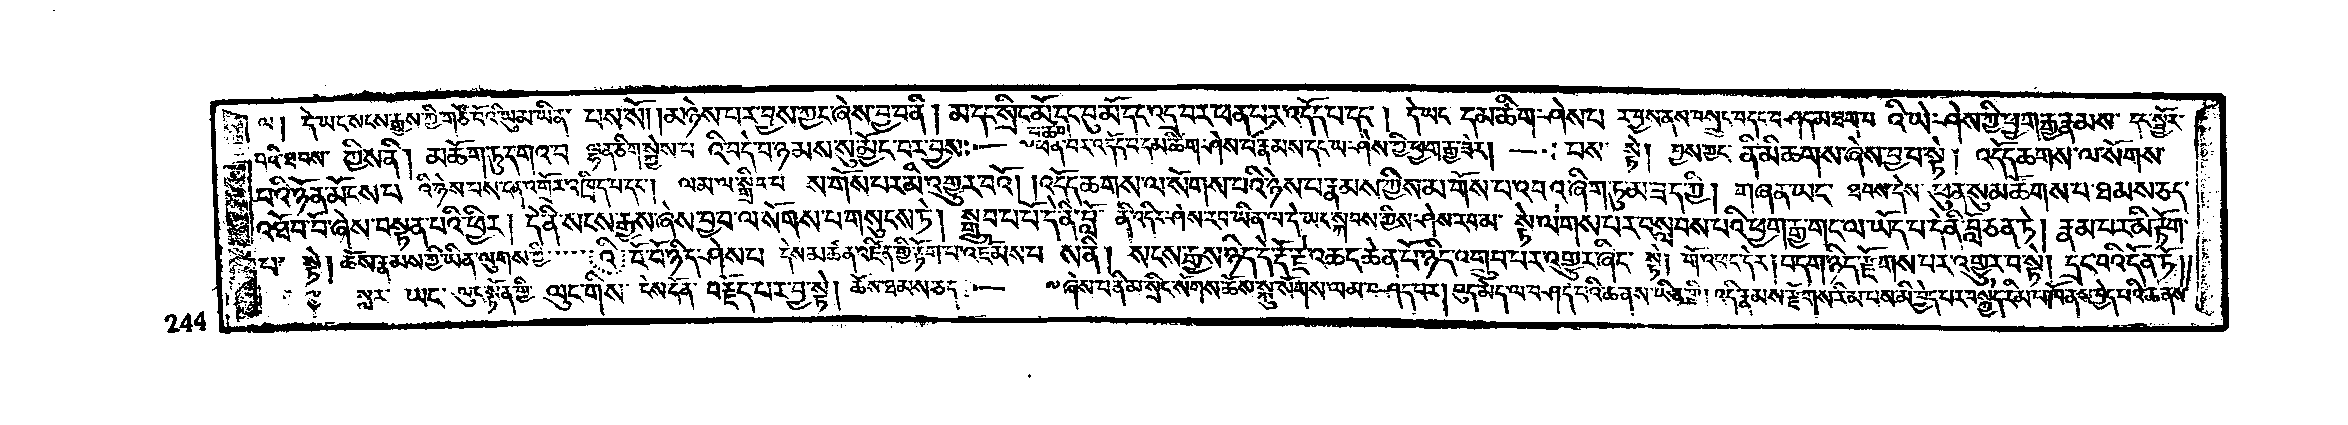ལ། དེ་ཡང་སངས་རྒྱས་ཀྱི་གཙོ་བོའི་ཡུམ་ཡིན་པས་སོ། །མཉེས་པར་བྱས་ཀྱང་ཞེས་བྱ་བ་ནི། མ་དང་སྲིང་མོ་དང་བུ་མོ་དང་འདྲ་བར་ཕན་པར་འདོད་པ་དང་། དེ་ཡང་དམ་ཚིག་ཤེས་པར་བྱས་ནས་བསྲུང་བ་དང་བཤད་མ་ཐག་པའི་ཡེ་ཤེས་ཀྱི་ཕྱག་རྒྱ་རྣམས་དང་སྦྱོར་
བའི་ཐབས་ཀྱིས་ནི། མཆོག་ཏུ་དགའ་བ་ལྷན་ཅིག་སྐྱེས་པའི་བདེ་བ་ཉམས་སུ་མྱོང་བར་བྱས་H.་པ་ཚབ་༧་ཕན་པར་འདོད་པ་དམ་ཚིག་ཤེས་པར་རྣམས་དང་ཡེ་ཤེས་ཀྱི་ཕྱག་རྒྱ་ཟེར། .H པས་སྟེ། བྱས་ཀྱང་ནི་མི་ཆགས་ཞེས་བྱ་བ་སྟེ། འདོད་ཆགས་ལ་སོགས་
པའི་ཉོན་མོངས་པའི་ཉེས་པས་ངན་འགྲོར་འཁྲིད་པ་དང་། ལམ་ལ་སྒྲིབ་པ་ས་གོས་པར་མི་འགྱུར་བའོ། །འདོད་ཆགས་ལ་སོགས་པའི་ཉེས་པ་རྣམས་ཀྱིས་མ་གོས་པ་འབའ་ཞིག་ཏུ་མ་ཟད་ཀྱི། གཞན་ཡང་ཐབས་དེས་ཕུན་སུམ་ཚོགས་པ་ཐམས་ཅད་
འཐོབ་བོ་ཞེས་བསྟན་པའི་ཕྱིར། དེ་ནི་སངས་རྒྱས་ཞེས་བྱ་བ་ལ་སོགས་པ་གསུངས་ཏེ། སྒྲུབ་པ་པོ་དེ་ནི་བློ་ནི་འདིར་ཤེས་རབ་ཡིན་ལ་དེ་ཡང་སྐབས་ཀྱིས་ཤེས་རབ་མ་སྟེ་ལེགས་པར་བསླབས་པའི་ཕྱག་རྒྱ་གང་ལ་ཡོད་པ་དེ་ནི་བློ་ཅན་ཏེ། རྣམ་པར་མི་རྟོག་
པ་སྟེ། ཆོས་རྣམས་ཀྱི་ཡིན་ལུགས་ཀྱི་འི་ངོ་བོ་ཉིད་ཤེས་པ་དེས་མཚན་འཛིན་གྱི་རྟོག་པ་འཇོམས་པས་ནི། སངས་རྒྱས་ཉིད་དེ་རྡོ་རྗེ་འཆང་ཆེན་པོ་ཉིད་འགྲུབ་པར་འགྱུར་ཞིང་སྟེ། གོ་འཕང་དེར། བདག་ཉིད་རྫོགས་པར་འགྱུར་བ་སྟེ། དྲང་བའི་དོན་ཏོ།།
༈ སླར་ཡང་ལུང་སྟོན་གྱི་ལུང་གིས་ངེས་དོན་བརྗོད་པར་བྱ་སྟེ། ཆོས་ཐམས་ཅད་H.་༧་ཞེས་པ་ནི་མ་སྲིང་སོགས་ཆོས་སྐུ་སོགས་ལམ་བཤད་པར། བུད་མེད་ལ་བཤད་པའི་ཆ་ནས་ཡིན་གྱི། འདི་རྣམས་རྫོགས་རིམ་པས་མི་བྱེད་པར་བསྐྱེད་རིམ་པ་ཁོ་ནས་བྱེད་པའི་ཆ་ནས་